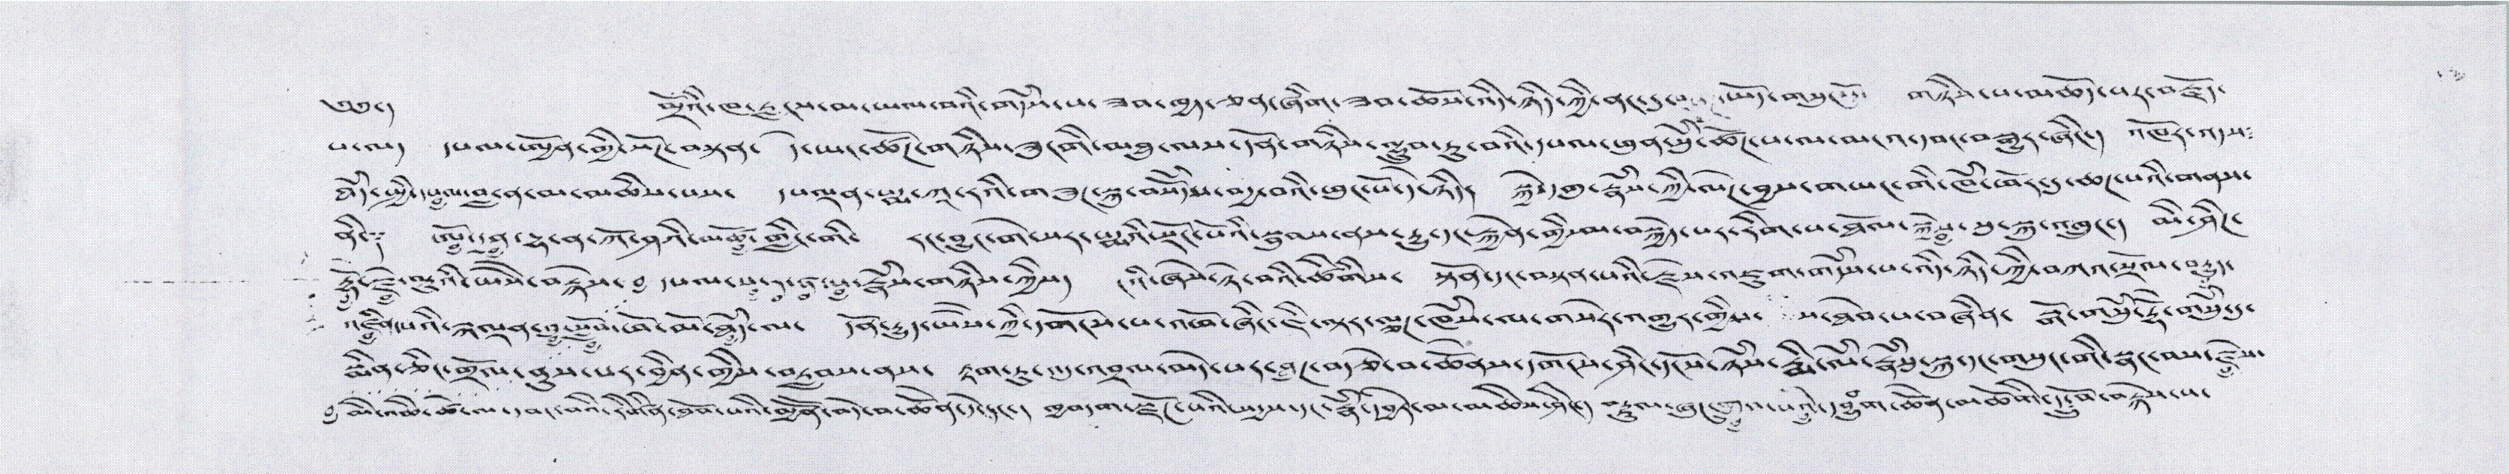མཁའ་འགྲོའི་ཁ་རླངས་མ་ཡལ་བའི་གདམས་པ་ཟབ་ཁྱད་ཅན་ཞིག་ཟབ་ཆོས་འདི་ཉིད་ཀྱི་ནང་དུ་ཡོད་གསུངས་སོ། གཉིས་པ་མཆོད་པར་བརྗོད་
པ་ལ། དཔལ་ཨོ་རྒྱན་གྱི༑ སོགས་བསྟན། དེ་ཡང་ཚོགས་གཉིས་ཟུང་འཇུག་གི་མཐུ་ལས་དོན་གཉིས་ལྷུན་གྲུབ་ཏུ་༼༽བའི་དཔལ་ཕུན་སུམ་ཚོགས་པ་ལ་མངའ་དབང་བསྒྱུར་ཞིང་། འཁོར་འདས་
ཐམས་ཅད་ཀྱི་སྤྱི་དཔལ་བླ་ན་མ་མཆིས་པས། དཔལ་ལྡན་པདྨ་ཀ་རའི་གཟུགས་སྐུ་བསོད་ནམས་བརྒྱ་པའི་ཕུང་པོ་དེ་ཉིད་སྐྱེ་དགུ་རྣམས་ཀྱི་ལེགས་བྱས་གཡང་གི་ཁམ་ཕོར་དུ་ཆགས་པའི་གནས་
ནི། ཨོ་རྒྱན་དྷ་ན་ཀོ་ཤའི་མཚོ་གླིང་གི རང་བྱུང་གེ་སར་པདྨའི་སྡོང་པོའི་སྦུབས་ནས་རྒྱུ་དང་རྐྱེན་གྱིས་མ་བསྐྱེད་པར་རིག་པ་ཐོལ་སྐྱེས་སུ་སྐུ་འཁྲུངས། མི་ཤིགས་
རྡོ་རྗེ་ལྟ་བུའི་ཡེ་ཤེས་བརྙེས། ་ཀྱིས། ངའི་ཞེས་ཉེ་བའི་ཚིག་གིས། སྟོན་དང་བསྟན་པའི་རྗེས་འཇུག་གདམས་པ་འདི་ཉིད་ཀྱི་བཀའ་སྲོལ་བརྒྱུད་
འཛིན་པའི་སྐལ་ལྡན་བླ་སློབ་ཕོ་མོ་ཐམས་ཅད་ལ། དོན་རྒྱུད་ཡེ་ཤེས་ཀྱི་དགོངས་པ་འཕོ་ཞིང་ཇི་ལྟར་ལྕགས་ཁམས་ལ་གསེར་འགྱུར་གྱིས་ས་ཐེབ་པ་བཞིན། སྒོ་གསུམ་རྡོ་རྗེ་གསུམ་དུ་
སྨིན་ཅིང་གྲོལ་ནུས་པར་བྱིན་གྱིས་བརླབས་ནས། རྟག་ཏུ་འདུ་འབྲལ་མེད་པར་ཐུགས་བརྩེ་བ་ཆེན་པོས་དངོས་ཉམས་རྨི་ལམ་རྣམས་སུ་སྐུ་དང་གསུང་གི་སྣང་བས་རྗེས་
མི་འཆི་ཚེ་ལ་དབང་བའི་རིག་འཛིན་ཐོབ་པའི་ཨོ་རྒྱན་བདེ་བ་ཆེན་པོ་དེ་དང་། ཁྱབ་བདག་རྫོགས་པའི་སངས་རྒྱས་དང་རྣམ་དབྱེར་མ་མཆིས་ཤིང་། རྟུལ་ཞུགས་གྲུབ་པའི་དབང་ཕྱུག་ཆེན་པོ་མཆོག་གི་དངོས་གྲུབ་བརྙེས་པ་